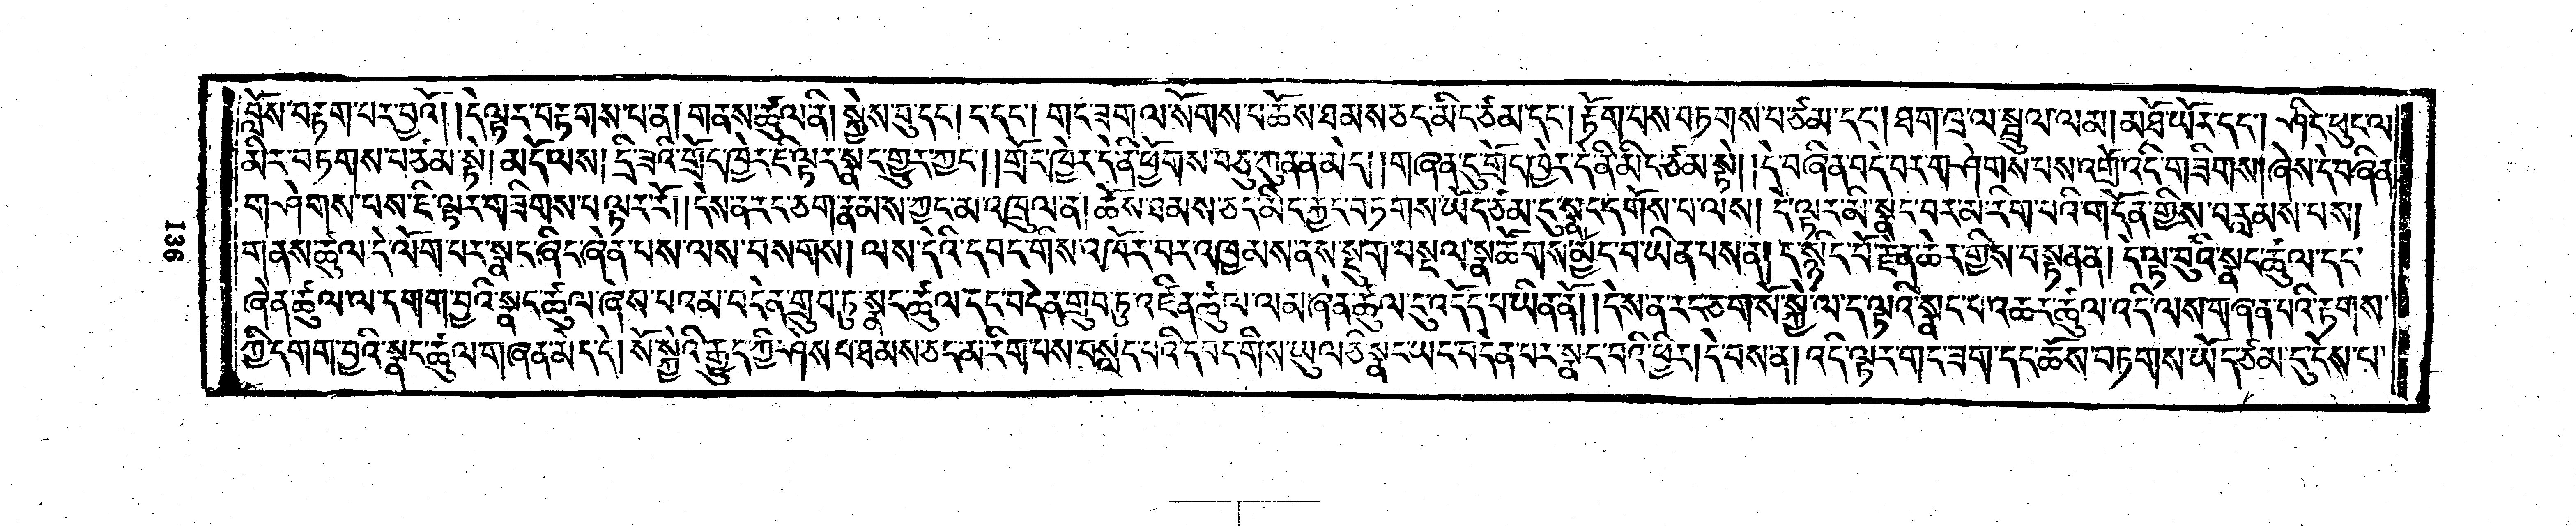བློས་བརྟག་པར་བྱའོ། །དེ་ལྟར་བརྟགས་པ་ན། གནས་ཚུལ་ནི། སྐྱེས་བུ་དང་། ང་དང་། གང་ཟག་ལ་སོགས་པ་ཆོས་ཐམས་ཅད་མིང་ཙམ་དང་། རྟོག་པས་བཏགས་པ་ཙམ་དང་། ཐག་ཁྲ་ལ་སྦྲུལ་ལམ། མཐོ་ཡོར་དང་། ཤིང་ཕུང་ལ་
མིར་བཏགས་པ་ཙམ་སྟེ། མདོ་ལས། དྲི་ཟའི་གྲོང་ཁྱེར་ཇི་ལྟར་སྣང་གྱུར་ཀྱང་། །གྲོང་ཁྱེར་དེ་ནི་ཕྱོགས་བཅུ་ཀུན་ན་མེད། །གཞན་དུ་གྲོང་ཁྱེར་དེ་ནི་མིང་ཙམ་སྟེ། །དེ་བཞིན་བདེ་བར་གཤེགས་པས་འགྲོ་འདི་གཟིགས། ཞེས་དེ་བཞིན་
གཤེགས་པས་ཇི་ལྟར་གཟིགས་པ་ལྟར་རོ། །དེས་ན་རང་ཅག་རྣམས་ཀྱང་མ་འཁྲུལ་ན། ཆོས་ཐམས་ཅད་མིང་རྐྱང་བཏགས་ཡོད་ཙམ་དུ་སྣང་དགོས་པ་ལས། དེ་ལྟར་མི་སྣང་བར་མ་རིག་པའི་གདོན་གྱིས་བརླམས་པས།
གནས་ཚུལ་དེ་ལོག་པར་སྣང་ཞིང་ཞེན་པས་ལས་བསགས། ལས་དེའི་དབང་གིས་འཁོར་བར་འཁྱམས་ནས་སྡུག་བསྔལ་སྣ་ཚོགས་མྱང་བ་ཡིན་པས་ན། ད་སྙིང་པོ་རྗེན་ཆེར་གྱིས་བསྟན་ན། དེ་ལྟ་བུའི་སྣང་ཚུལ་དང་
ཞེན་ཚུལ་ལ་དགག་བྱའི་སྣང་ཚུལ་ཞེས་པའམ་བདེན་གྲུབ་ཏུ་སྣང་ཚུལ་དང་བདེན་གྲུབ་ཏུ་འཛིན་ཚུལ་ལམ་ཞེན་ཚུལ་དུ་འདོད་པ་ཡིན་ནོ། །དེས་ན་རང་ཅག་སོ་སྐྱེ་ལ་ད་ལྟའི་སྣང་བ་འཆར་ཚུལ་འདི་ལས་གཞན་པའི་རྟགས་
ཀྱི་དགག་བྱའི་སྣང་ཚུལ་གཞན་མེད་དེ། སོ་སྐྱེའི་རྒྱུད་ཀྱི་ཤེས་པ་ཐམས་ཅད་མ་རིག་པས་བསླད་པའི་དབང་གིས་ཡུལ་ཅི་སྣང་ཡང་བདེན་པར་སྣང་བའི་ཕྱིར། དེ་བས་ན། འདི་ལྟར་གང་ཟག་དང་ཆོས་བཏགས་ཡོད་ཙམ་དུ་ངེས་པ་